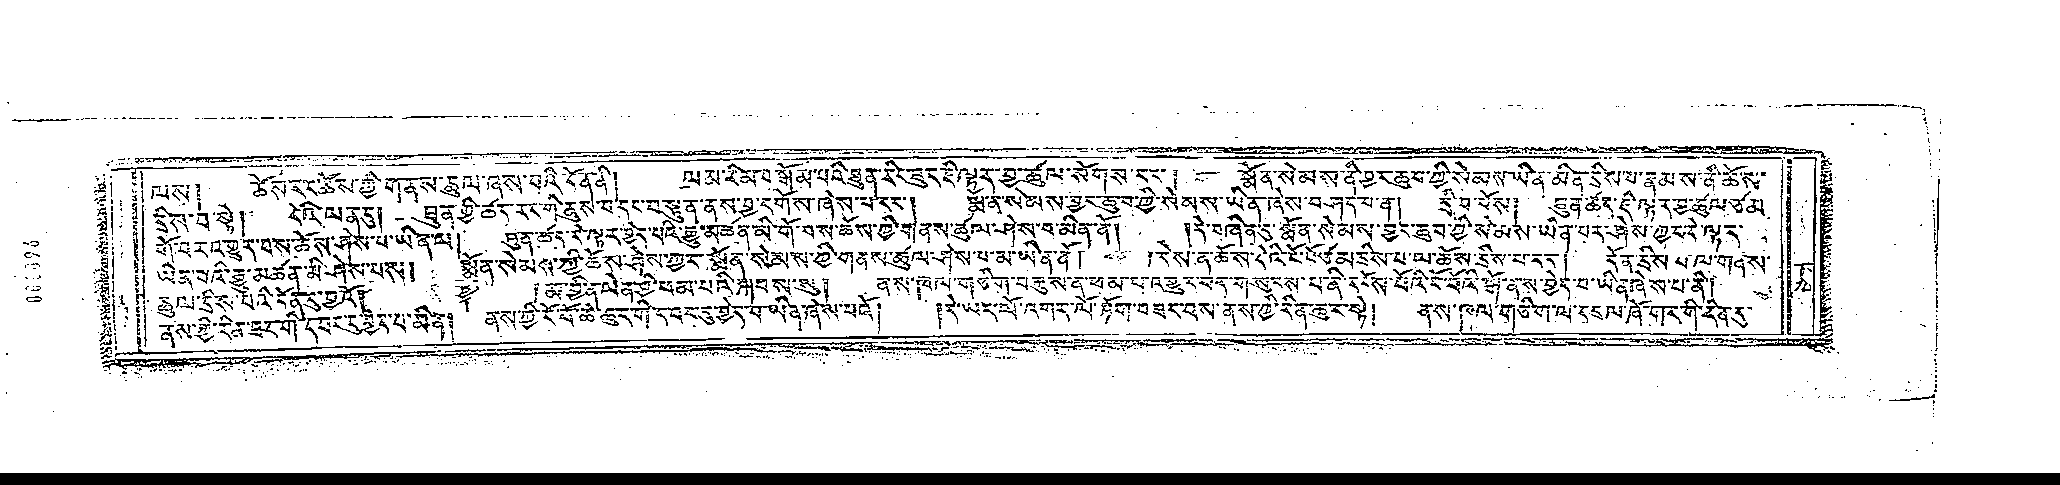ལས། ཆོས་དང་ཆོས་ཀྱི་གནས་ཚུལ་ཞེས་པའི་དོན་ནི། ལམ་རིམ་བསྒོམ་པའི་ཐུན་རིང་ཐུང་ཇི་ལྟར་བྱ་ཚུལ་སོགས་དང་། སྨོན་སེམས་ནི་བྱང་ཆུབ་ཀྱི་སེམས་ཡིན་མིན་དྲིས་པ་རྣམས་ནི་ཆོས་
དྲིས་པ་སྟེ། དེའི་ལན་དུ། ཐུན་གྱི་ཚད་རང་གི་ནུས་པ་དང་བསྟུན་ནས་བྱ་དགོས་ཞེས་པ་དང་། སྨོན་སེམས་བྱང་ཆུབ་ཀྱི་སེམས་ཡིན་ཞེས་བཤད་པ་ན། དྲི་བ་པོས། ཐུན་ཚད་ཇི་ལྟར་བྱ་ཚུལ་ཙམ་
གོ་བར་འགྱུར་བས་ཆོས་ཤེས་པ་ཡིན་ལ། ཐུན་ཚང་དེ་ལྟར་བྱེད་པའི་རྒྱུ་མཚན་མི་གོ་བས་ཆོས་ཀྱི་གནས་ཚུལ་ཤེས་པ་མིན་ནོ། །དེ་བཞིན་དུ་སྨོན་སེམས་བྱང་ཆུབ་ཀྱི་སེམས་ཡིན་པར་ཤེས་ཀྱང་དེ་ལྟར་
ཡིན་པའི་རྒྱུ་མཚན་མ་ཤེས་པས། སྨོན་སེམས་ཀྱི་ཆོས་ཤེས་ཀྱང་སྨོན་སེམས་ཀྱི་གནས་ཚུལ་ཤེས་པ་མ་ཡིན་ནོ། །དེས་ན་ཆོས་དེའི་ངོ་བོ་ཙམ་དྲིས་པ་ལ་ཆོས་དྲིས་པ་དང་། དོན་དྲིས་པ་ལ་གནས་
ཚུལ་དྲིས་པའི་དོན་དུ་བྱའོ། ༈ །མ་བྱིན་ལེན་གྱི་ཕམ་པའི་སྐབས་སུ། ནས་ཁལ་གཅིག་བརྐུས་ན་ཕམ་པ་འབྱུང་བར་གསུངས་པ་ནི་དངོས་པོའི་ངོ་བོའི་སྒོ་ནས་བྱེད་པ་ཡིན་ཞེས་པ་ནི།
ནས་ཀྱི་རིན་ཐང་གི་དབང་དུ་བྱེད་པ་མིན། ནས་ཀྱི་ངོ་བོ་ཆེ་ཆུང་གི་དབང་དུ་བྱེད་པ་ཡིན་ཞེས་པའོ། །དེ་ཡང་ལོ་འགར་ལོ་ཏོག་བཟང་བས་ནས་ཀྱི་རིན་ཆུང་སྟེ། ནས་ཁལ་གཅིག་ལ་དངུལ་ཞོ་གང་གི་རིན་དུ་